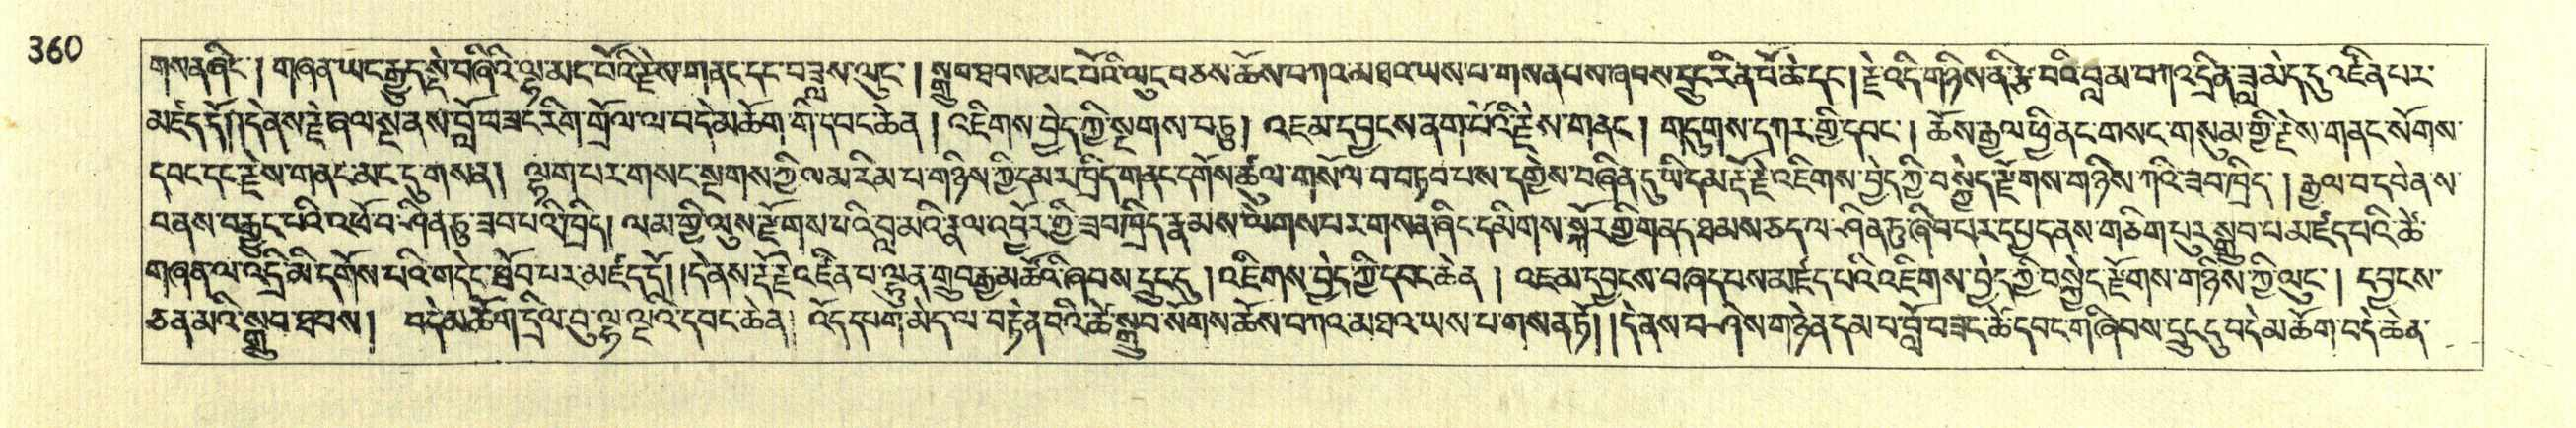གསན་ཞིང་། གཞན་ཡང་རྒྱུད་སྡེ་བཞིའི་ལྷ་མང་བོའི་རྗེས་གནང་དང་བཟླས་ལུང་། སྒྲུབ་ཐབས་མང་བོའི་ལུང་བཅས་ཆོས་བཀའ་མཐའ་ཡས་པ་གསན་པས་ཞབས་དྲུང་རིན་པོ་ཆེ་དང་། རྗེ་འདི་གཉིས་ནི་རྩ་བའི་བླ་མ་བཀའ་དྲིན་ཟླ་མེད་དུ་འཛིན་པར་
མཛད་དོ། །དེ་ནས་རྗེ་ཞལ་སྔ་ནས་བློ་བཟང་རིག་གྲོལ་ལ་བདེ་མཆོག་གི་དབང་ཆེན། འཇིགས་བྱེད་ཀྱི་སྔགས་བཏུ། འཇམ་དབྱངས་ནག་པོའི་རྗེས་གནང་། གདུགས་དཀར་གྱི་དབང་། ཆོས་རྒྱལ་ཕྱི་ནང་གསང་གསུམ་གྱི་རྗེས་གནང་སོགས་
དབང་དང་རྗེས་གནང་མང་དུ་གསན། ལྷག་པར་གསང་སྔགས་ཀྱི་ལམ་རིམ་པ་གཉིས་ཀྱི་དམར་ཁྲིད་གནང་དགོས་ཚུལ་གསོལ་བ་བཏབ་པས་དགྱེས་བཞིན་དུ་ཡི་དམ་རྡོ་རྗེ་འཇིགས་བྱེད་ཀྱི་བསྐྱེད་རྫོགས་གཉིས་ཀའི་ཟབ་ཁྲིད། རྒྱལ་བ་དབེན་ས་
བ་ནས་བརྒྱུད་པའི་འཕོ་བ་ཤིན་ཏུ་ཟབ་པའི་ཁྲིད། ལམ་གྱི་ལུས་རྫོགས་པའི་བླ་མའི་རྣལ་འབྱོར་གྱི་ཟབ་ཁྲིད་རྣམས་ལེགས་པར་གསན་ཞིང་དམིགས་སྐོར་གྱི་གནད་ཐམས་ཅད་ལ་ཤིན་ཏུ་ཞིབ་པར་དཔྱད་ནས་གཅིག་པུར་སྒྲུབ་པ་མཛད་པའི་ཚེ་
གཞན་ལ་འདྲི་མི་དགོས་པའི་གདེང་ཐོབ་པར་མཛད་དོ། །དེ་ནས་རྡོ་རྗེ་འཛིན་པ་ལྷུན་གྲུབ་རྒྱ་མཚོའི་ཞབས་དྲུང་དུ། འཇིགས་བྱེད་ཀྱི་དབང་ཆེན། འཇམ་དབྱངས་བཞད་པས་མཛད་པའི་འཇིགས་བྱེད་ཀྱི་བསྐྱེད་རྫོགས་གཉིས་ཀྱི་ལུང་། དབྱངས་
ཅན་མའི་སྒྲུབ་ཐབས། བདེ་མཆོག་དྲིལ་བུ་ལྷ་ལྔའི་དབང་ཆེན། འོད་དཔག་མེད་ལ་བརྟེན་བའི་ཚེ་སྒྲུབ་སོགས་ཆོས་བཀའ་མཐའ་ཡས་པ་གསན་ཏོ། །དེ་ནས་བཤེས་གཉེན་དམ་པ་བློ་བཟང་ཚེ་དབང་གཞིབས་དྲུང་དུ་བདེ་མཆོག་བདེ་ཆེན་